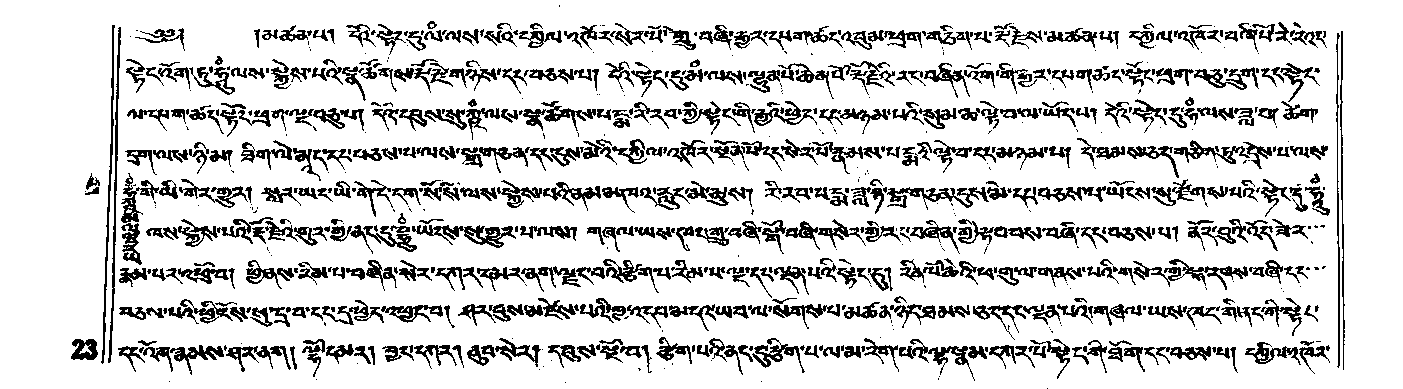༄༅། །མཚན་པ། དེའི་སྟེང་དུ་ལཾ་ལས་སའི་དཀྱིལ་འཁོར་སེར་པོ་གྲུ་བཞི་རྒྱར་དཔག་ཚད་འབུམ་ཕྲག་གཅིག་པ་རྡོ་རྗེས་མཚན་པ། དཀྱིལ་འཁོར་བཞི་པོ་རེ་རེའང་
སྟེང་འོག་ཏུ་ཧཱུཾ་ལས་སྐྱེས་པའི་སྣ་ཚོགས་རྡོ་རྗེ་གཉིས་དང་བཅས་པ། དེའི་སྟེང་དུ་མཾ་ལས་ལྷུན་པོ་ཆེན་པོ་རྡོ་རྗེའི་རང་བཞིན་འོག་གི་རྒྱར་དཔག་ཚད་སྟོང་ཕྲག་བཅུ་དྲུག་དང་སྟེང་
ལ་དཔག་ཚད་སྟོང་ཕྲག་ལྔ་བཅུ་པ། དེའི་དབུས་སུ་ཀྵཾ་ལས་སྣ་ཚོགས་པདམ་རི་རབ་ཀྱི་སྟེང་གི་རྒྱའི་ཕྱེད་དང་མཉམ་པའི་སུམ་ཆ་ལྟེ་བ་ལ་ཡོད་པ། དེའི་སྟེང་དུ་ཧཾ་ལས་ཟླ་པ། ཚེག་
དྲག་ལས་ཉི་མ། ཐིག་ལེ་ནཱ་ད་དང་བཅས་པ་ལས་སྒྲ་གཅན་དང་དུས་མེའི་དཀྱིལ་འཁོར་སྔོན་པོ་དང་སེར་པོ་རྣམས་པདམའི་ལྟེ་བ་དང་མཉམ་པ། དེ་ཐམས་ཅད་གཅིག་ཏུ་འདྲེས་པ་ལས་
ཧྐྵྨླྭརྱོཾ་གི་ཡི་གེར་གྱུར། སླར་ཡང་ཡི་གེ་དེ་དག་སོ་སོ་ལས་སྐྱེས་པའི་ནམ་མཁའ་རླུང་མེ་ཆུ་ས། རི་རབ་པདམ་ཟླ་ཉི་སྒྲ་གཅན་དུས་མེ་དང་བཅས་པ་ཡོངས་སུ་རྫོགས་པའི་སྟེང་དུ་ཧཱུཾ་
ལས་སྐྱེས་པའི་རྡོ་རྗེའི་གུར་གྱི་ནང་དུ་བྷྲུཾ་ཡོངས་སུ་གྱུར་པ་ལས། གཞལ་ཡས་ཁང་གྲུ་བཞི་སྒོམ་བཞི་གསེར་གྱི་རང་བཞིན་གྱི་ལྟབ་བས་བཞི་དང་བཅས་པ། ནོར་བུའི་འོད་ཟེར་
རྣམ་པར་འཕྲོ་བ། ཕྱི་ནས་རིམ་པ་བཞིན་སེར་དཀར་དམར་ནག་ལྗང་བའི་རྩིག་པ་རིམ་པ་ལྔ་དང་ལྡན་པའི་སྟེང་དུ། རིན་པོ་ཆེའི་ཕ་གུ་ལ་གནས་པའི་གསེར་གྱི་སྐ་རགས་བཞི་དང་
བཅས་པའི་ཕྱི་ངོས་སུ་དྲ་བ་དང་དྲ་ཕྱེད་འཕྱང་བ། ཤར་བུས་མཛེས་པའི་བྱ་འདབ་མདའ་ཡབ་ལ་སོགས་པ་མཚན་ཉིད་ཐམས་ཅད་དང་ལྡན་པའི་གཞལ་ཡས་ཁང་གི་ནང་གི་སྟེང་
དང་འོག་རྣམས་ཤར་ནག། ལྷོ་དམར། བྱང་དཀར། ནུབ་སེར། དབུས་སྔོ་བ། རྩིག་པའི་ནང་དུ་རྩིག་པ་ལ་མ་རེག་པའི་ལྷ་སྣམ་དཀར་པོ་སྟེང་གི་ཐོག་དང་བཅས་པ། དཀྱིལ་འཁོར་